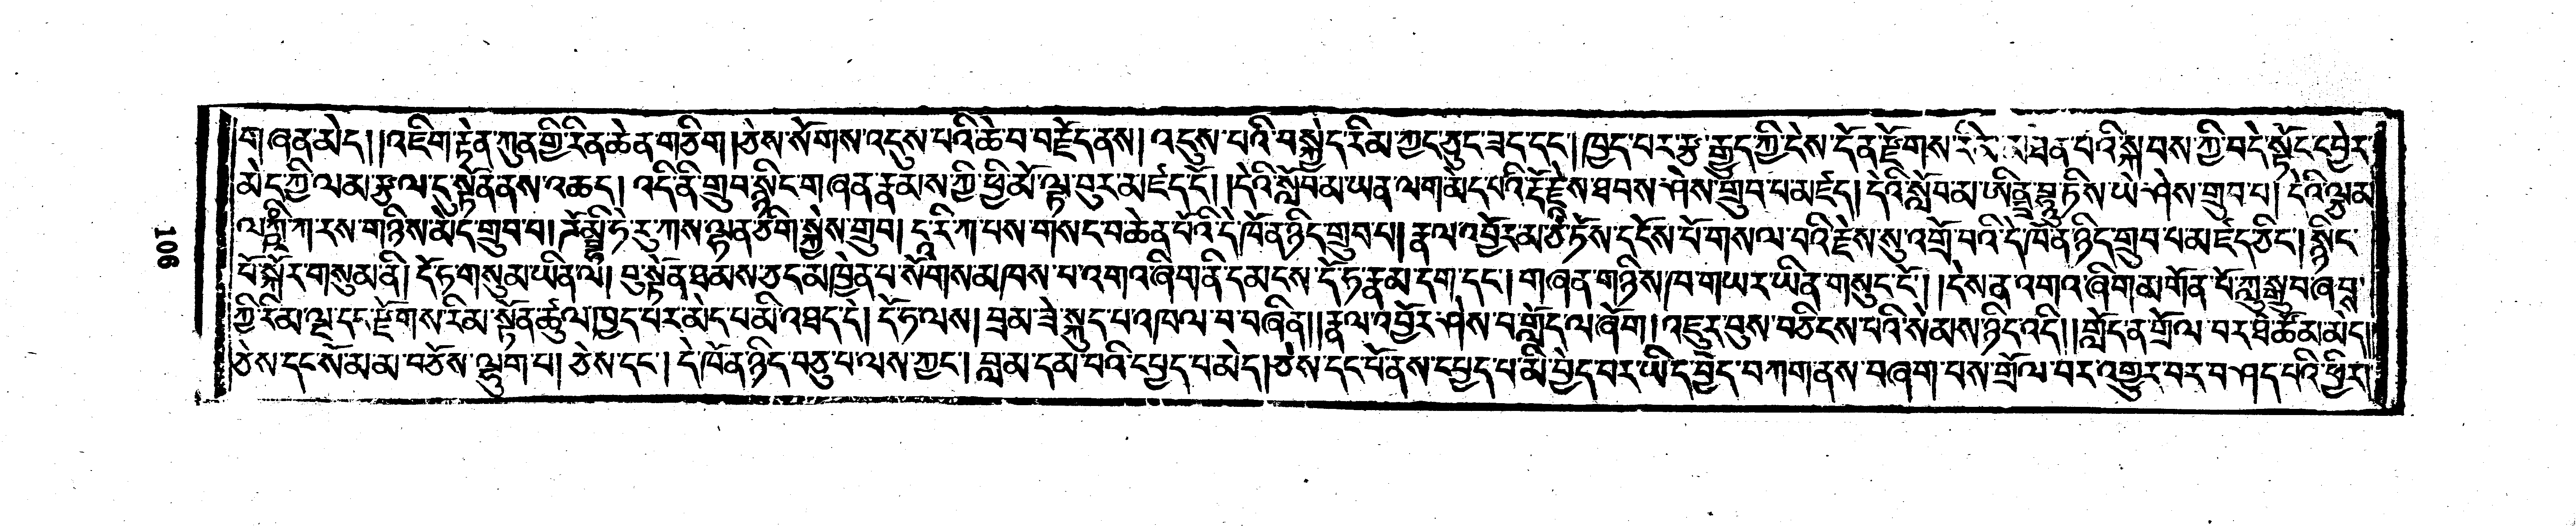གཞན་མེད། །འཇིག་རྟེན་ཀུན་གྱི་རིན་ཆེན་གཅིག །ཅེས་སོགས་འདུས་པའི་ཆེ་བ་བརྗོད་ནས། འདུས་པའི་བསྐྱེད་རིམ་ཀྱང་ཅུང་ཟད་དང་། ཁྱད་པར་རྩ་རྒྱུད་ཀྱི་ངེས་དོན་རྫོགས་རིམ་མཐོན་པོའི་སྐབས་ཀྱི་བདེ་སྟོང་དབྱེར་
མེད་ཀྱི་ལམ་རྩལ་དུ་སྟོན་ནས་འཆད། འདི་ནི་གྲུབ་སྙིང་གཞན་རྣམས་ཀྱི་ཕྱི་མོ་ལྟ་བུར་མཛད་དོ། །དེའི་སློབ་མ་ཡན་ལག་མེད་པའི་རྡོ་རྗེས་ཐབས་ཤེས་གྲུབ་པ་མཛད། དེའི་སློབ་མ་ཨིནྡྲ་བྷཱུ་ཏིས་ཡེ་ཤེས་གྲུབ་པ། དེའི་ལྕམ་
ལཀྵཾ་ཀ་རས་གཉིས་མེད་གྲུབ་པ། ཌོམྦྷི་ཧེ་རུ་ཀས་ལྷན་ཅིག་སྐྱེས་གྲུབ། དཱ་རི་ཀ་པས་གསང་བ་ཆེན་པོའི་དེ་ཁོ་ན་ཉིད་གྲུབ་པ། རྣལ་འབྱོར་མ་ཙི་ཏོས་དངོས་པོ་གསལ་བའི་རྗེས་སུ་འགྲོ་བའི་དེ་ཁོ་ན་ཉིད་གྲུབ་པ་མཛད་ཅིང་། སྙིང་
པོ་སྐོར་གསུམ་ནི། དོ་ཧ་གསུམ་ཡིན་ལ། བུ་སྟོན་ཐམས་ཅད་མཁྱེན་པ་སོགས་མཁས་པ་འགའ་ཞིག་ནི་དམངས་དོ་ཧ་རྣམ་དག་དང་། གཞན་གཉིས་ཁ་གཡར་ཡིན་གསུང་ངོ། །དེས་ན་འགའ་ཞིག་མགོན་པོ་ཀླུ་སྒྲུབ་ཞབས་
ཀྱི་རིམ་ལྔ་དང་རྫོགས་རིམ་སྟོན་ཚུལ་ཁྱད་པར་མེད་པ་མི་འཐད་དེ། དོ་ཧ་ལས། བྲམ་ཟེ་སྐུད་པ་འཁལ་བ་བཞིན། །རྣལ་འབྱོར་ཤེས་པ་གློད་ལ་ཞོག །འཇུར་བུས་བཅིངས་པའི་སེམས་ཉིད་འདི། །གློད་ན་གྲོལ་བར་ཐེ་ཚོམ་མེད།།
ཅེས་དང་སོ་མ་མ་བཅོས་ལྷུག་པ། ཅེས་དང་། དེ་ཁོ་ན་ཉིད་བཅུ་པ་ལས་ཀྱང་། བླ་མ་དམ་པའི་དཔྱད་པ་མེད། ཅེས་དང་པོ་ནས་དཔྱད་པ་མི་བྱེད་པར་ཡིད་བྱེད་བ་ཀག་ནས་བཞག་པས་གྲོལ་བར་འགྱུར་བར་བཤད་པའི་ཕྱིར།